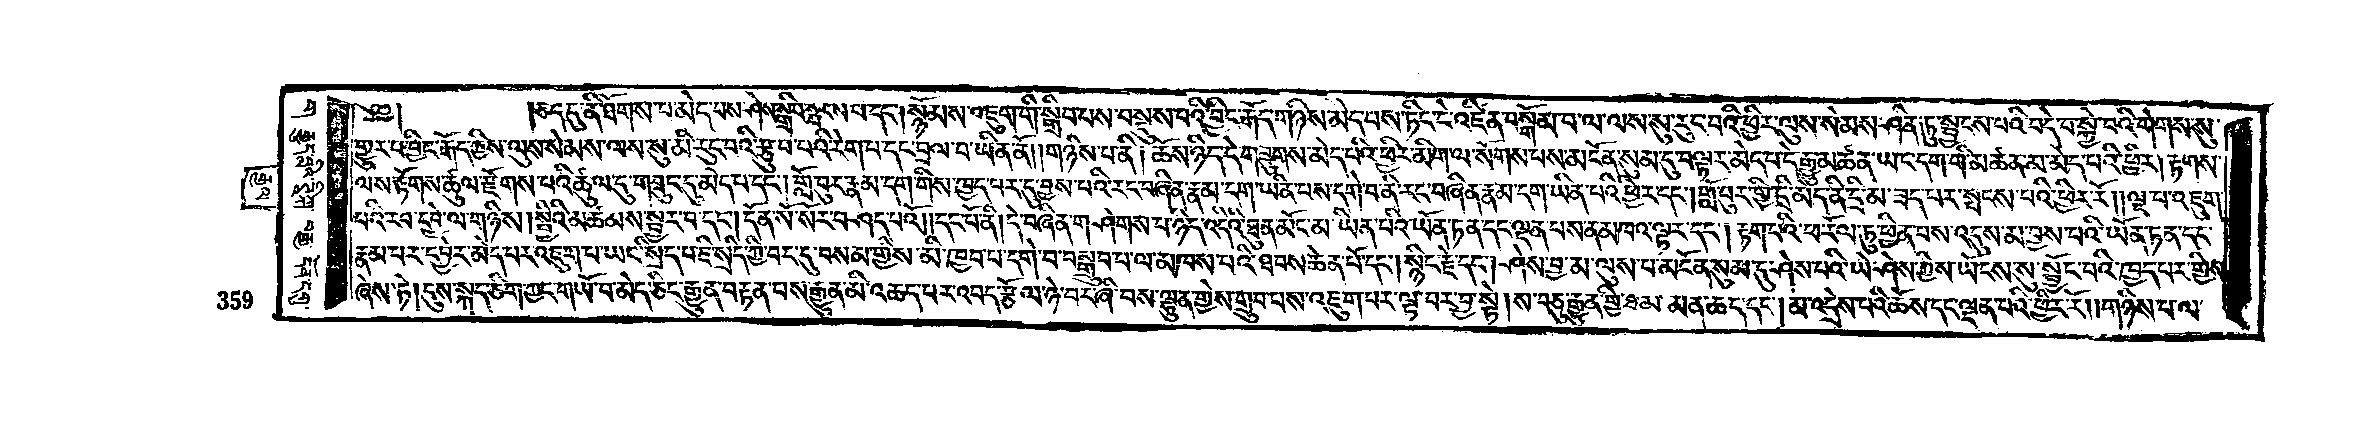༄༅། །ཅད་དུ་ནི་ཐོགས་པ་མེད་པས་ཤེས་སྒྲིབ་སྤངས་པ་དང་། སྙོམས་འཇུག་གི་སྒྲིབ་པས་བསྡུས་པའི་བྱིང་རྒོད་གཉིས་མེད་པས་ཏིང་ངེ་འཛིན་བསྒོམ་པ་ལ་ལས་སུ་རུང་བའི་ཕྱིར་ལུས་སེམས་ཤིན་ཏུ་སྦྱངས་པའི་བདེ་བ་སྐྱེ་བའི་གེགས་སུ་
གྱུར་པ་བྱིང་རྒོད་ཀྱིས་ལུས་སེམས་ལས་སུ་མི་རུང་བའི་རྩུབ་པའི་རེག་པ་དང་བྲལ་བ་ཡིན་ནོ། །གཉིས་པ་ནི། ཆོས་ཉིད་དེ་གཟུགས་མེད་པའི་ཕྱིར་མིག་ལ་སོགས་པས་མངོན་སུམ་དུ་བལྟར་མེད་པ་དེ་རྒྱུ་མཚན་ཡང་དག་གི་མཚན་མ་མེད་པའི་ཕྱིར། རྟགས་
ལས་རྟོགས་ཚུལ་རྫོགས་པའི་ཚུལ་དུ་གཟུང་དུ་མེད་པ་དང་། གློ་བུར་རྣམ་དག་གིས་ཁྱད་པར་དུ་བྱས་པའི་རང་བཞིན་རྣམ་དག་ཡིན་པས་དགེ་བ་ནི་རང་བཞིན་རྣམ་དག་ཡིན་པའི་ཕྱིར་དང་། གློ་བུར་གྱི་དྲི་མེད་ནི་དྲི་མ་ཟད་པར་སྤངས་པའི་ཕྱིར་རོ། །ལྔ་པ་འཇུག་
པའི་རབ་དབྱེ་ལ་གཉིས། སྤྱིའི་མཚམས་སྦྱར་བ་དང་། དོན་སོ་སོར་བཤད་པའོ། །དང་པོ་ནི། དེ་བཞིན་གཤེགས་པ་ཉིད་འདིའི་ཐུན་མོང་མ་ཡིན་པའི་ཡོན་ཏན་དང་ལྡན་པས་ནམ་མཁའ་ལྟར་དང་། རྟག་པའི་ཕ་རོལ་ཏུ་ཕྱིན་པས་འདུས་མ་བྱས་པའི་ཡོན་ཏན་དང་
རྣམ་པར་དབྱེར་མེད་པར་འཇུག་པ་ཡང་སྲིད་པ་ཇི་སྲིད་ཀྱི་བར་དུ་བསམ་གྱིས་མི་ཁྱབ་པ་དགེ་བ་བསྒྲུབ་པ་ལ་མཁས་པའི་ཐབས་ཆེན་པོ་དང་། སྙིང་རྗེ་དང་། ཤེས་བྱ་མ་ལུས་པ་མངོན་སུམ་དུ་ཤེས་པའི་ཡེ་ཤེས་ཀྱིས་ཡོངས་སུ་སྦྱོང་བའི་ཁྱད་པར་གྱིས་
ཞེས་ཏེ། དུས་སྐད་ཅིག་ཀྱང་གཡོ་བ་མེད་ཅིང་རྒྱུན་བརྟན་པས་རྒྱུན་མི་འཆད་པར་འབད་རྩོལ་ཉེ་བར་ཞི་བས་ལྷུན་གྱིས་གྲུབ་པས་འཇུག་པར་ལྟ་བར་བྱ་སྟེ། ས་བཅུ་རྒྱུན་གྱི་ཐ་མ་མན་ཆད་དང་། མ་འདྲེས་པའི་ཆོས་དང་ལྡན་པའི་ཕྱིར་རོ། །གཉིས་པ་ལ་